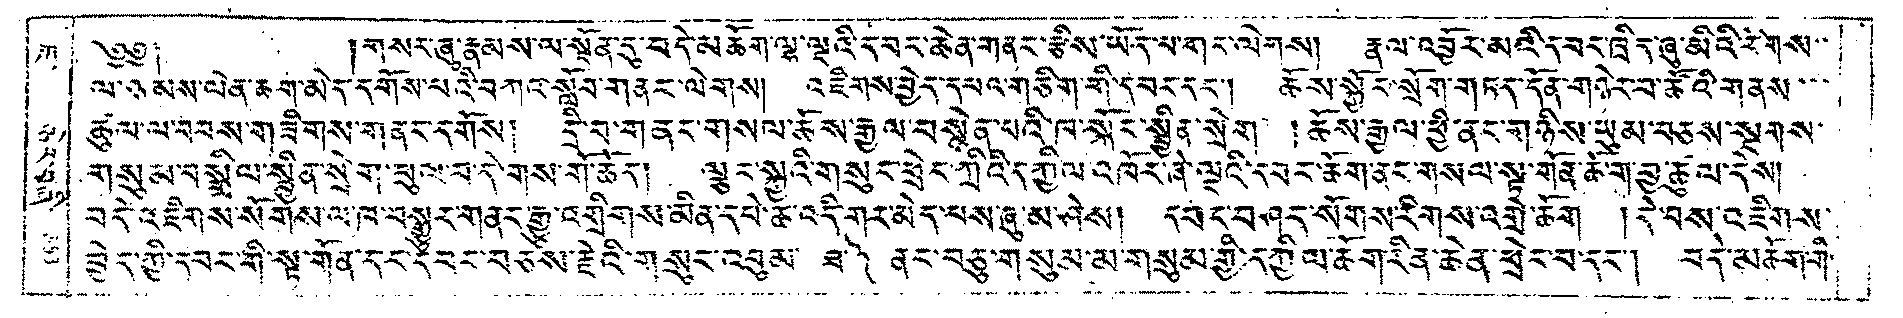༄༅། །གསར་ཞུ་རྣམས་ལ་སྔོན་དུ་བདེ་མཆོག་ལྷ་ལྔའི་དབང་ཆེན་གནང་རྩིས་ཡོད་པ་གང་ལེགས། རྣལ་འབྱོར་མའི་དབང་ཁྲིད་ཞུ་མིའི་རིགས་
ལ་ཉམས་ལེན་ཆག་མེད་དགོས་པའི་བཀའ་སློབ་གནང་ལེགས། འཇིགས་བྱེད་དཔའ་གཅིག་གི་དབང་དང་། ཆོས་སྐྱོང་སྲོག་གཏད་དོན་གཉེར་བ་ཚོའི་གནས་
ཚུལ་ལ་བབས་གཟིགས་གནང་དགོས། དྲི་བ་གནང་གསལ་ཆོས་རྒྱལ་བསྙེན་པའི་ཁ་སྐོང་སྤྱིན་སྲེག །ཆོས་རྒྱལ་ཕྱི་ནང་གཉིས་ཡུམ་བཅས་སྔགས་
གསུམ་བསྒྲིལ་སྤྱིན་སྲེག་ཕུལ་བ་དེ་གས་གོ་ཆོད། ལྕང་སྐྱའི་གསུང་ཕྲེང་ཀྲིའི་དཀྱིལ་འཁོར་ཞེ་ལྔའི་དབང་ཆོག་ནང་གསལ་སྟ་གོན་ཆོ་ག་བྱ་ཚུལ་དེས།
བདེ་འཇིགས་སོགས་ལ་ཁ་བསྒྱུར་གནང་རྒྱུ་འགྲིགས་མིན་དཔེ་ཆ་འདི་གར་མེད་པས་ཞུ་མ་ཤེས། དབང་བཤད་སོགས་རིགས་འགྲོ་ཆོག །དེ་བས་འཇིགས་
བྱེད་ཀྱི་དབང་གི་སྟ་གོན་དང་དབང་བཅས་རྗེའི་གསུང་འབུམ་ཐ྄་ནང་བཅུ་གསུམ་མ་གསུམ་གྱི་དཀྱིལ་ཆོག་རིན་ཆེན་ཕྲེང་བ་དང་། བདེ་མཆོག་གི་